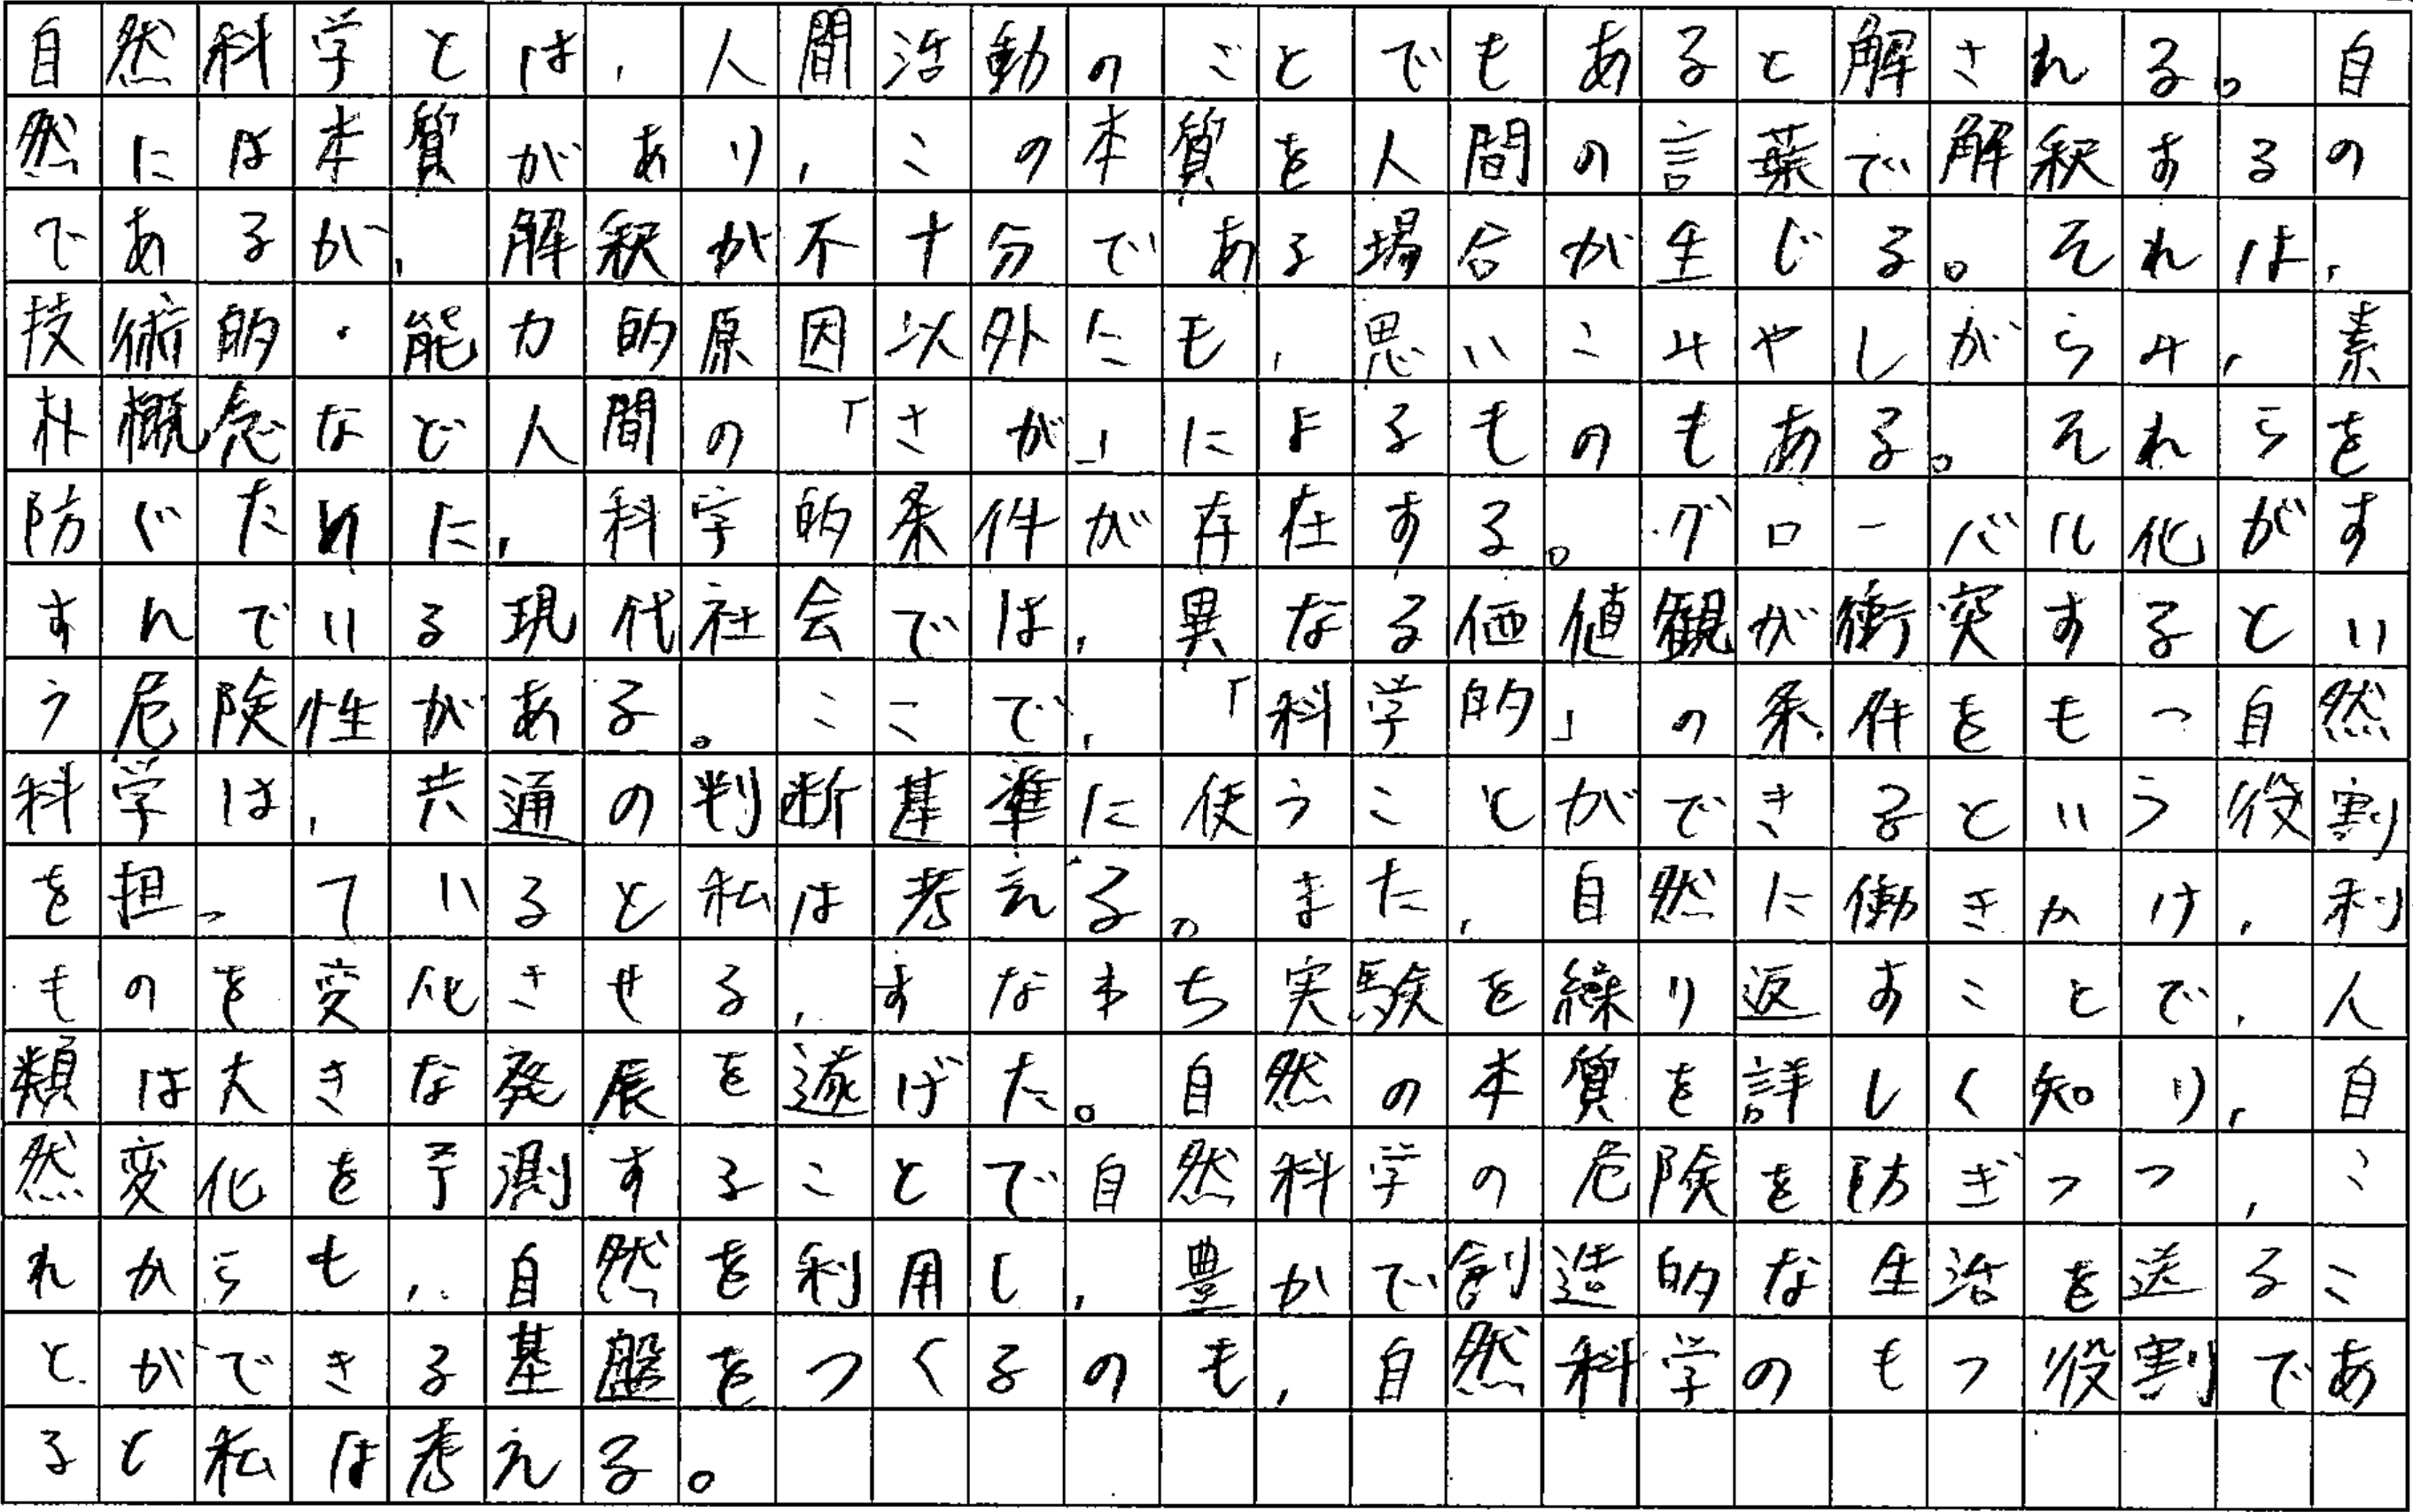自然科学とは、人間活動のことでもあると解される。自然には本質があり、この本質を人間の言葉で解釈するのであるが、解釈が不十分である場合が生じる。それは、技術的・能力的原因以外にも、思いこみやしがらみ、素朴概念など人間の「さが」によるものもある。それらを防ぐために、科学的条件が存在する。グローバル化がすすんでいる現代社会では、異なる価値観が衝突するという危険性がある。ここで、「科学的」の条件をもつ自然科学は、共通の判断基準に使うことができるという役割を担っていると私は考える。また、自然に働きかけ、利ものを変化させる、すなわち実験を繰り返すことで、人類は大きな発展を遂げた。自然の本質を詳しく知り、自然変化を予測することで自然科学の危険を防ぎつつ、これからも、自然を利用し、豊かで創造的な生活を送ることができる基盤をつくるのも、自然科学のもつ役割であると私は考える。
